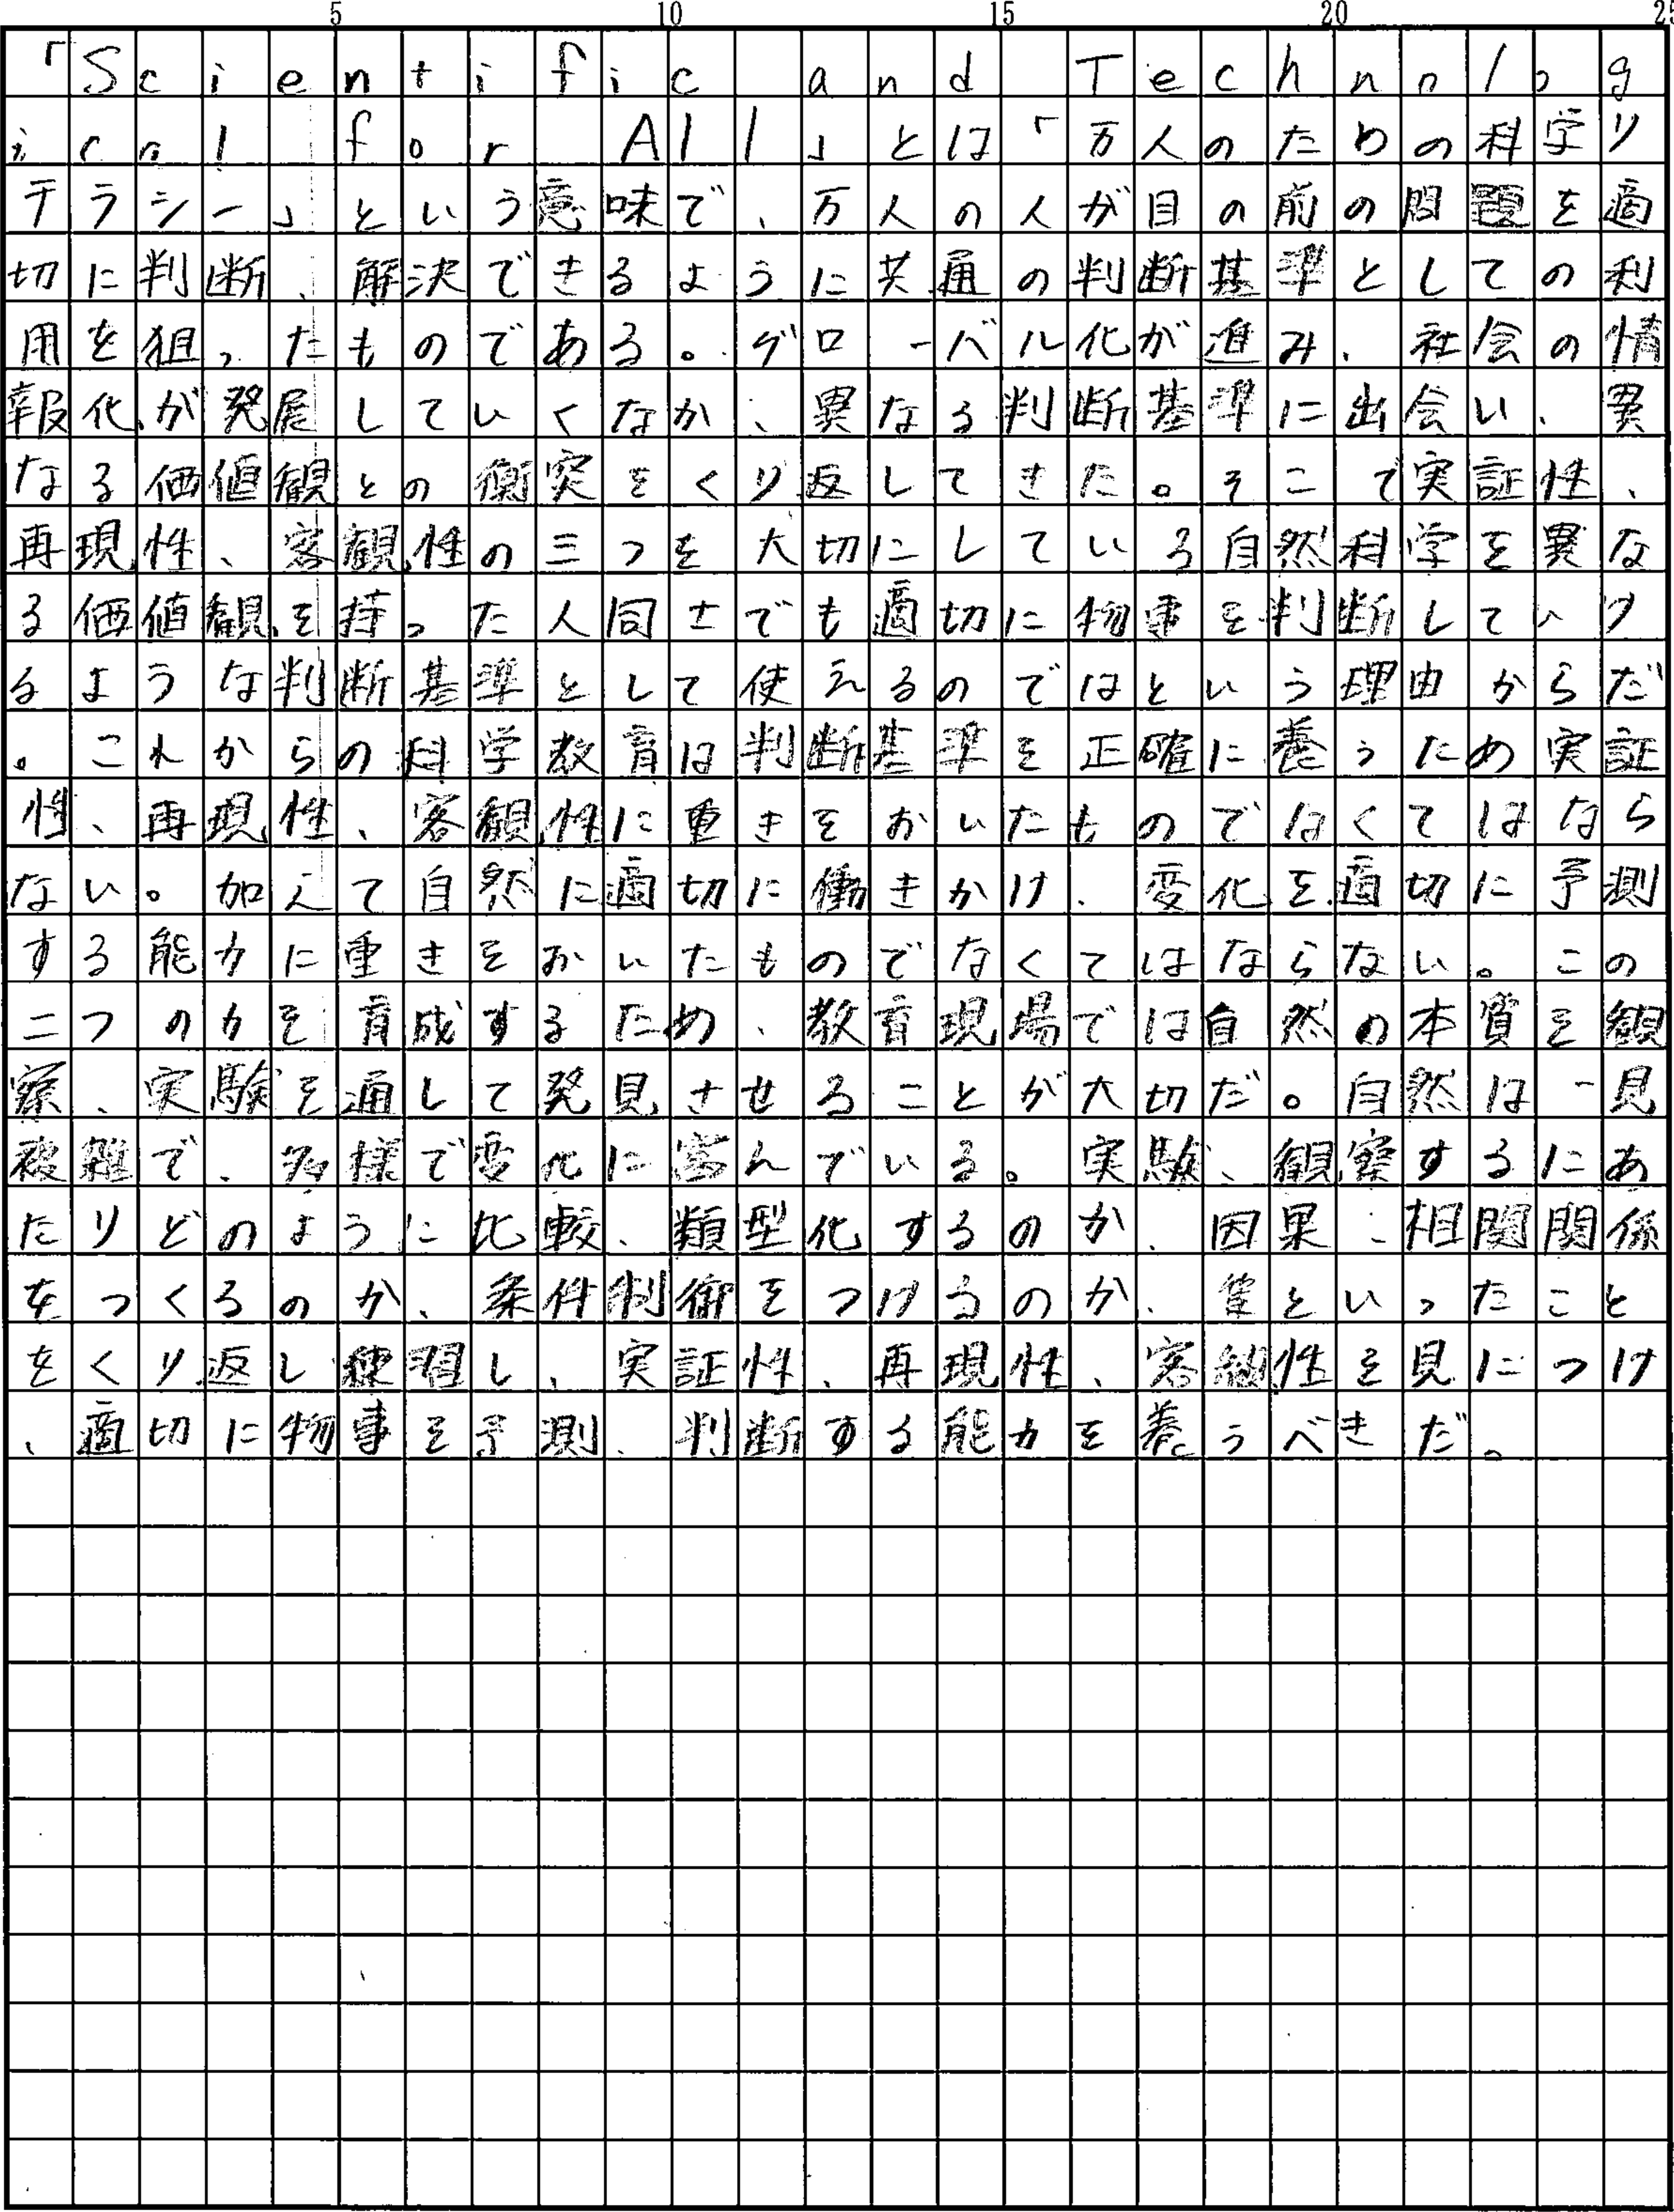「Ｓｃｉｅｎｔｉｆｉｃ　ａｎｄ　Ｔｅｃｈｎｏｌｏｇｉｃａｌ　Ｌｉｔｅｒａｃｙ　ｆｏｒ　Ａｌｌ」とは「万人のための科学リテラシー」という意味で、万人の人が目の前の問題を適切に判断、解決できるように共通の判断基準としての利用を狙ったものである。グローバル化が進み、社会の情報化が発展していくなか、異なる判断基準に出会い、異なる価値観との衡突をくり返してきた。そこで実証性、再現性、客観性の三つを大切にしている自然科学を異なる価値観を持った人同士でも適切に物事を判断していけるような判断基準として使えるのではという理由からだ。これからの科学教育は判断基準を正確に養うため実証性、再現性、客観性に重きをおいたものでなくてはならない。加えて自然に適切に働きかけ、変化を適切に予測する能力に重きをおいたものでなくてはならない。この二つの力を育成するため、教育現場では自然の本質を観察、実験を通して発見させることが大切だ。自然は一見複雑で、多様で変化に富んでいる。実験、観察するにあたりどのように比較、類型化するのか、因果、相関関係をつくるのか、条件制御をつけるのか、▁といったことをくり返し練習し、実証性、再現性、客観性を見につけ、適切に物事を予測、判断する能力を養うべきだ。
